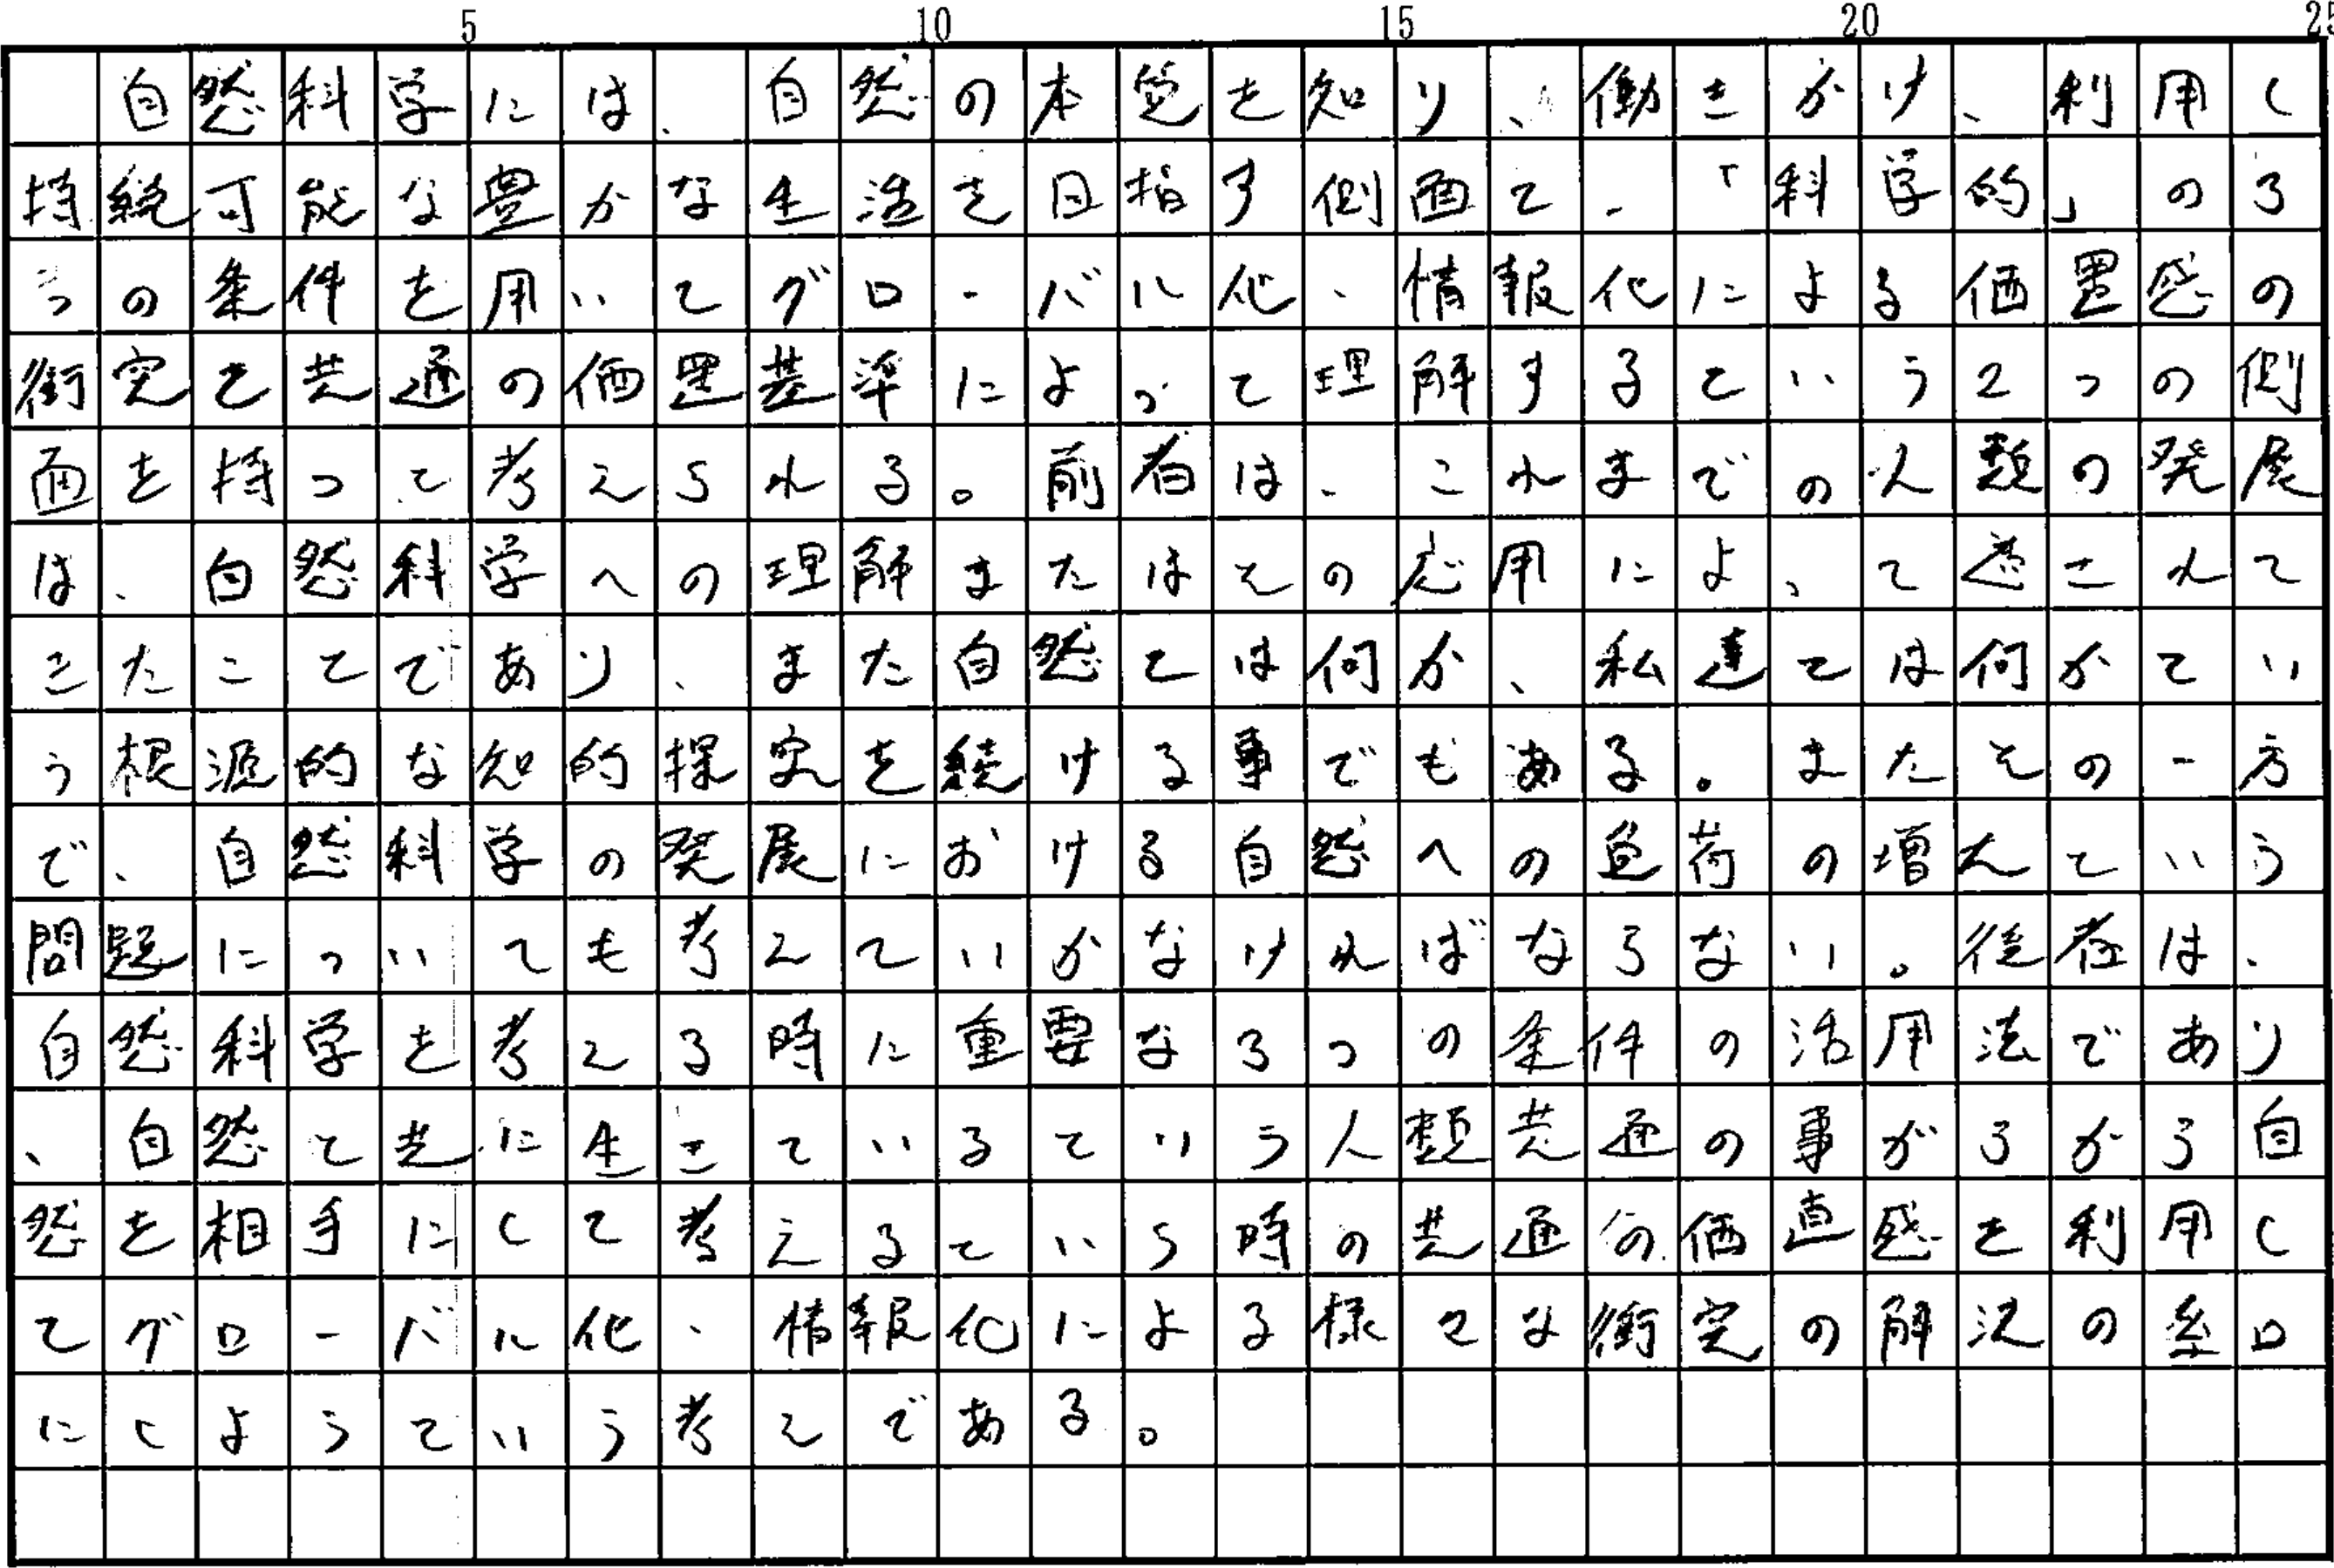　自然科学には、自然の本質を知り、働きかけ、利用し持続可能な豊かな生活を目指す側面と、「科学的」の３つの条件を用いてグローバル化、情報化による価置感の衝突を共通の価置基準によって理解するという２つの側面を持つと考えられる。前者は、これまでの人類の発展は、自然科学への理解またはその応用によって▁されてきたことであり、また自然とは何か、私達とは何かという根源的な知的探究を続ける事でもある。またその一方で、自然科学の発展における自然への負荷の増大という問題についても考えていかなければならない。後者は、自然科学を考える時に重要な３つの条件の活用法であり、自然と共に生きているという人類共通の事がらから自然を相手にして考えるという時の共通の価直感を利用してグローバル化、情報化による様々な衝突の解決の糸口にしようという考えである。
